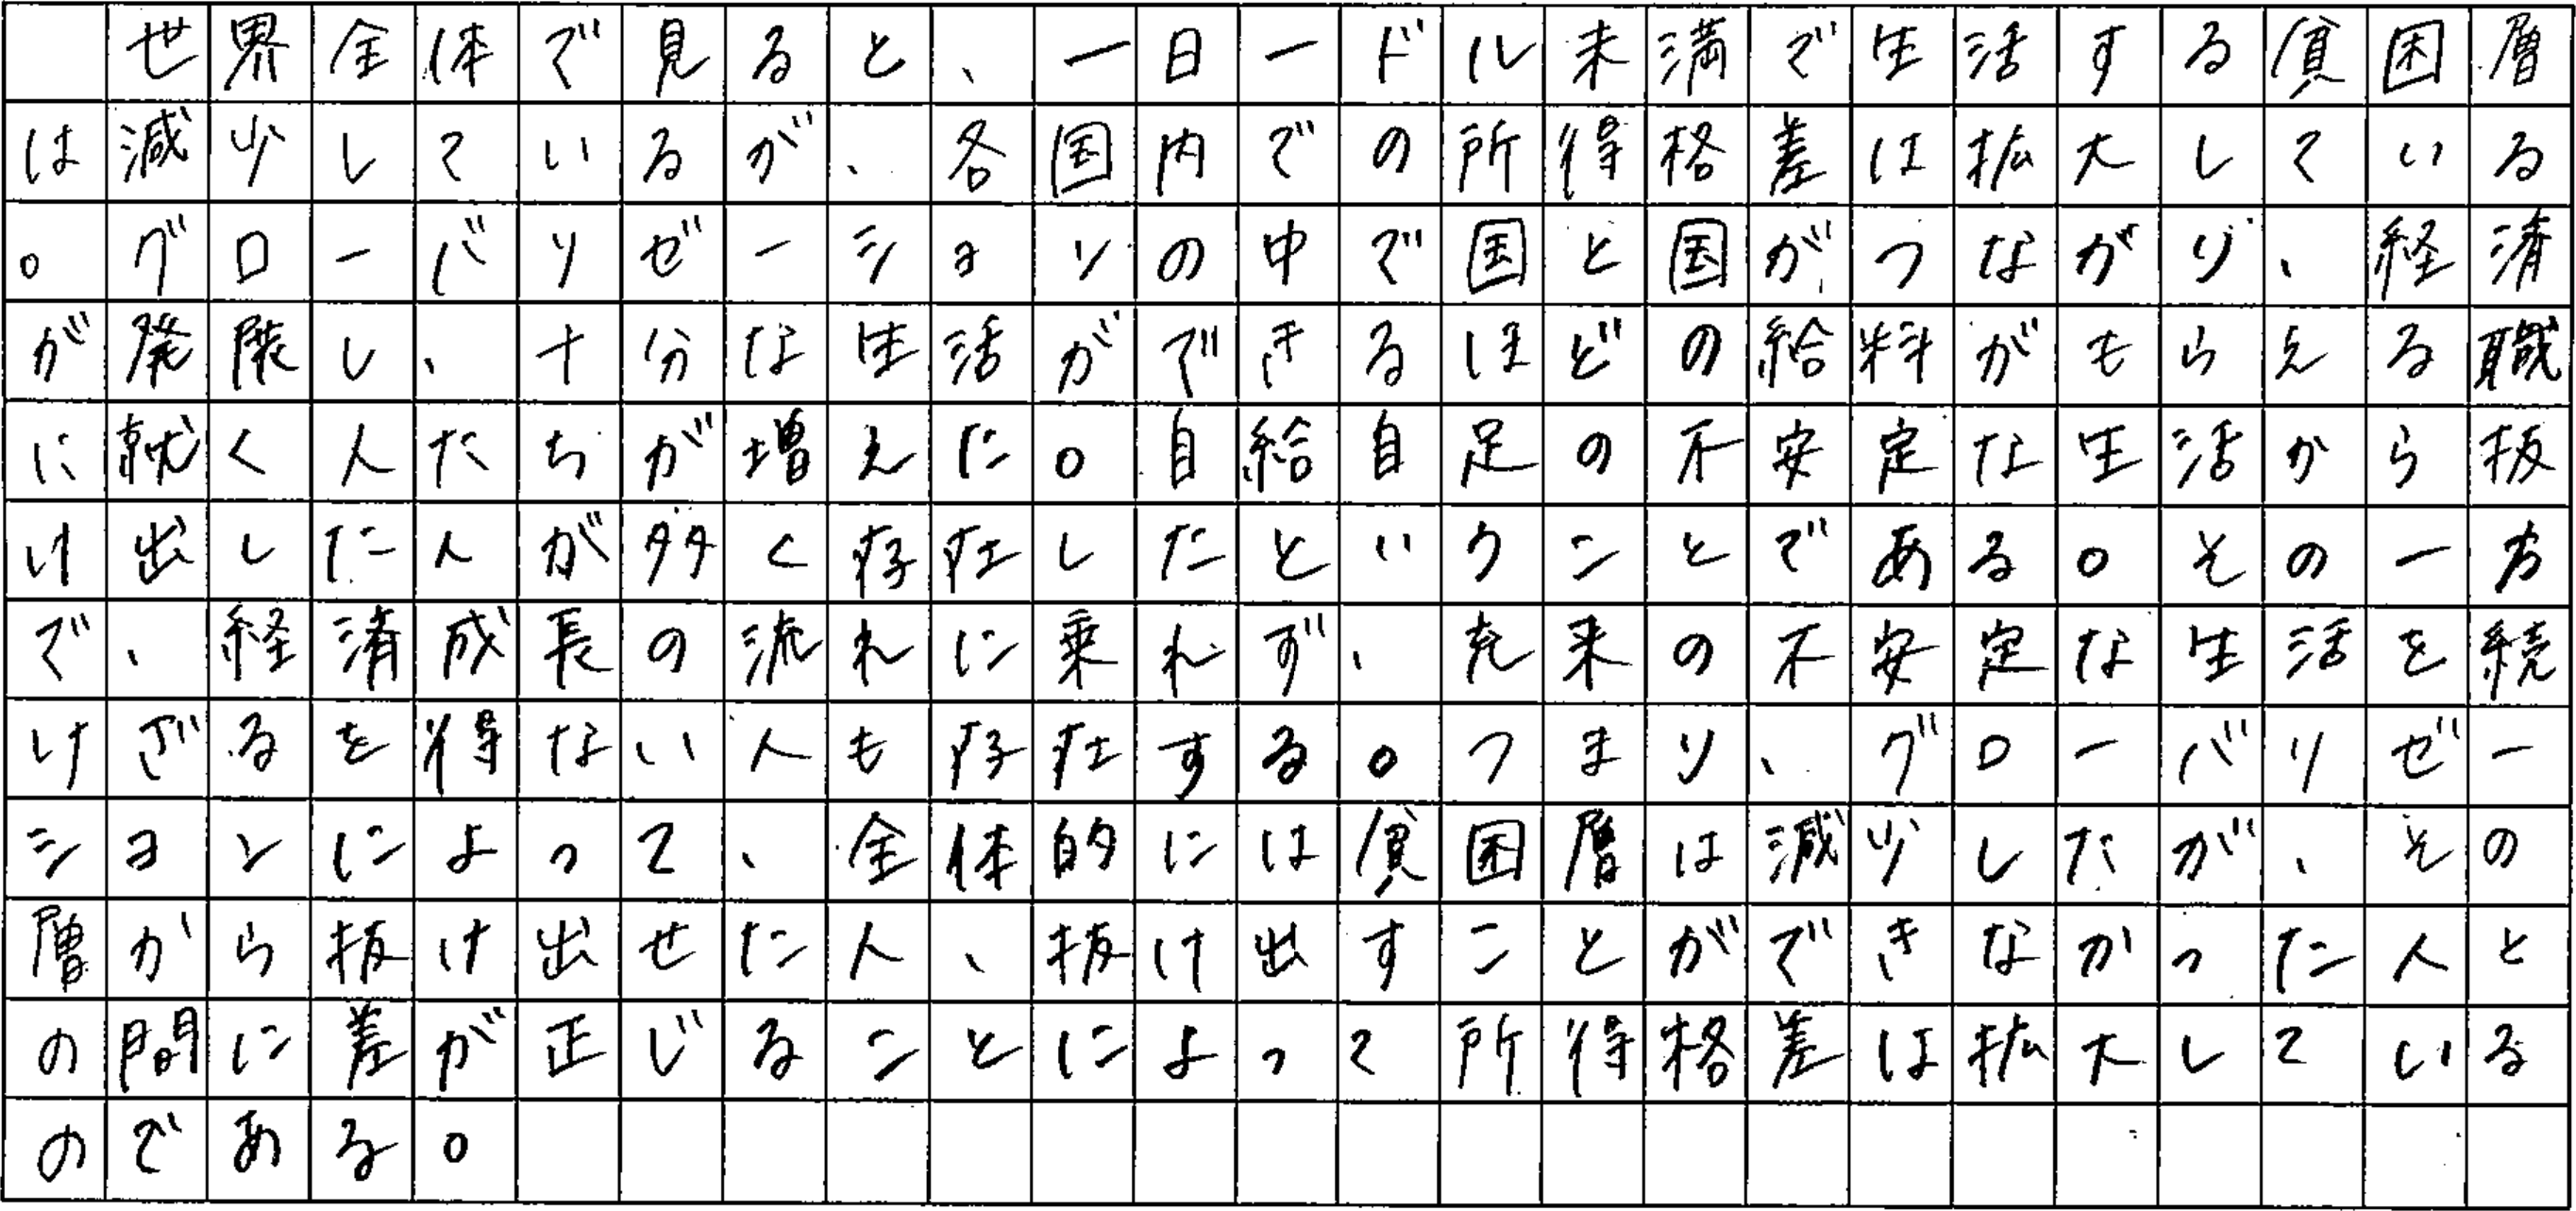　世界全体で見ると、一日一ドル未満で生活する貧困層は減少しているが、各国内での所得格差は拡大している。グローバリゼーションの中で国と国がつながり、経済が発展し、十分な生活ができるほどの給料がもらえる職に就く人たちが増えた。自給自足の不安定な生活から抜け出した人が多く存在したということである。その一方で、経済成長の流れに乗れず、充来の不安定な生活を続けざるを得ない人も存在する。つまり、グローバリゼーションによって、全体的には貧困層は減少したが、その層から抜け出せた人、抜け出すことができなかった人との間に差が正じることによって所得格差は拡大しているのである。
